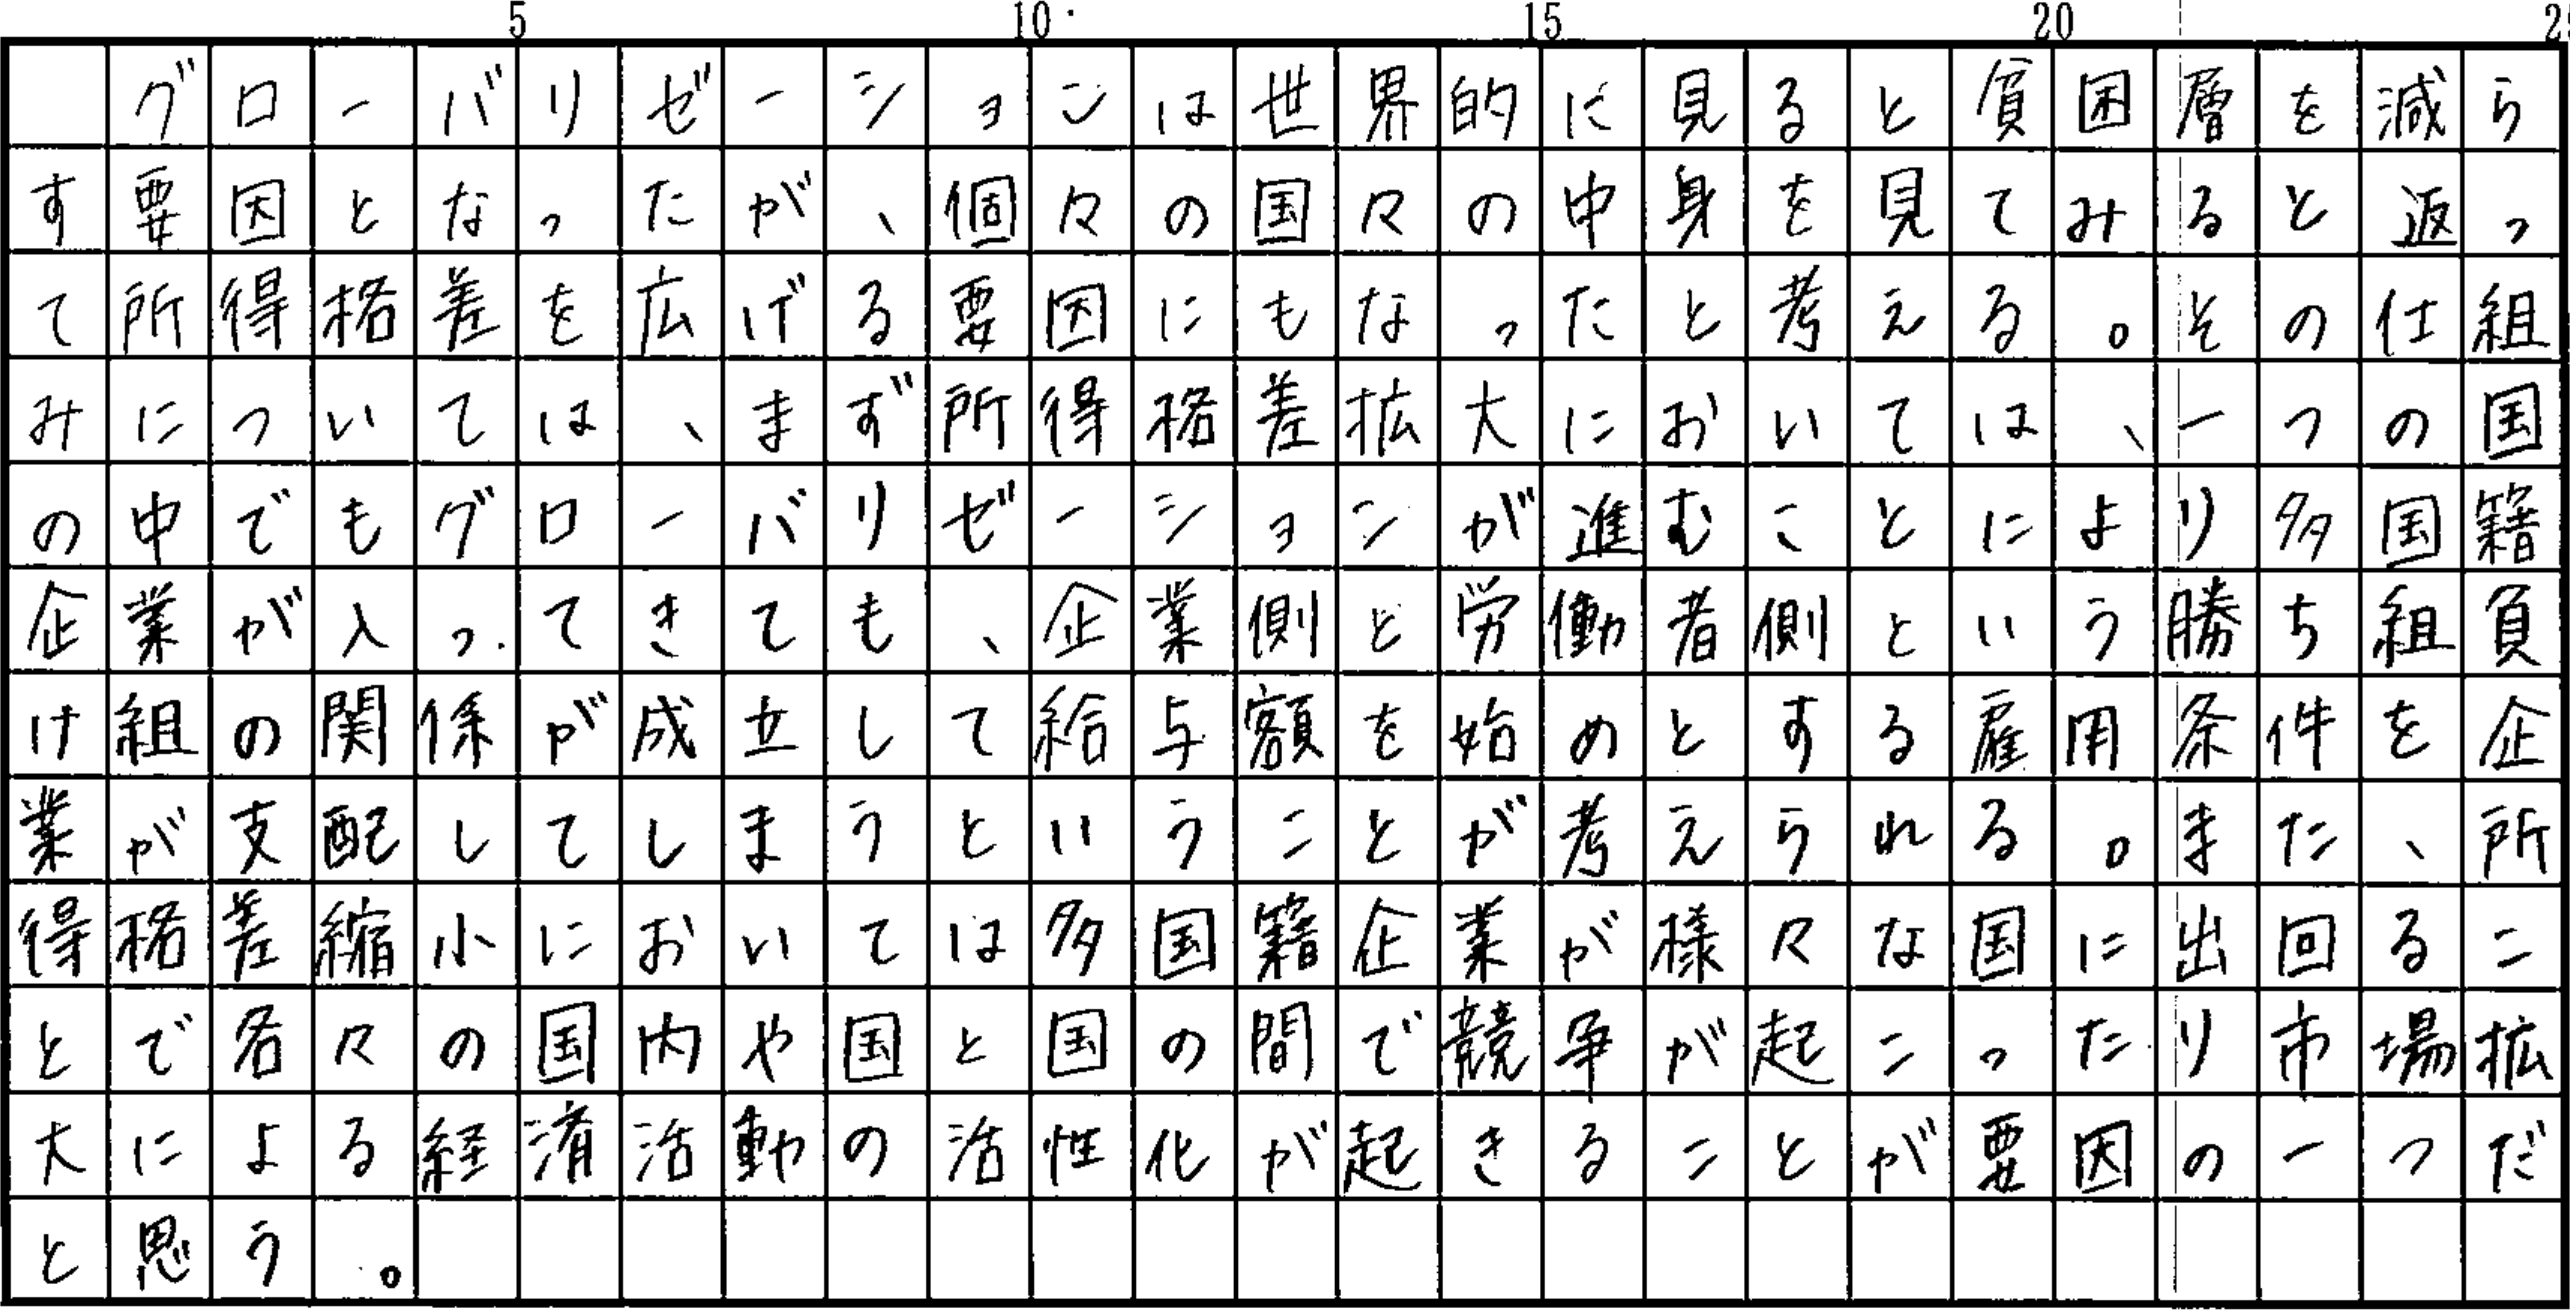　グローバリゼーションは世界的に見ると貧困層を減らす要因となったが、個々の国々の中身を見てみると返って所得格差を広げる要因にもなったと考える。その仕組みについては、まず所得格差拡大においては、一つの国の中でもグローバリゼーションが進むことにより多国籍企業が入ってきても、企業側と労働者側という勝ち組負け組の関係が成立して給与額を始めとする雇用条件を企業が支配してしまうということが考えられる。また、所得格差縮小においては多国籍企業が様々な国に出回ることで各々の国内や国と国の間で競争が起こったり市場拡大による経済活動の活性化が起きることが要因の一つだと思う。
